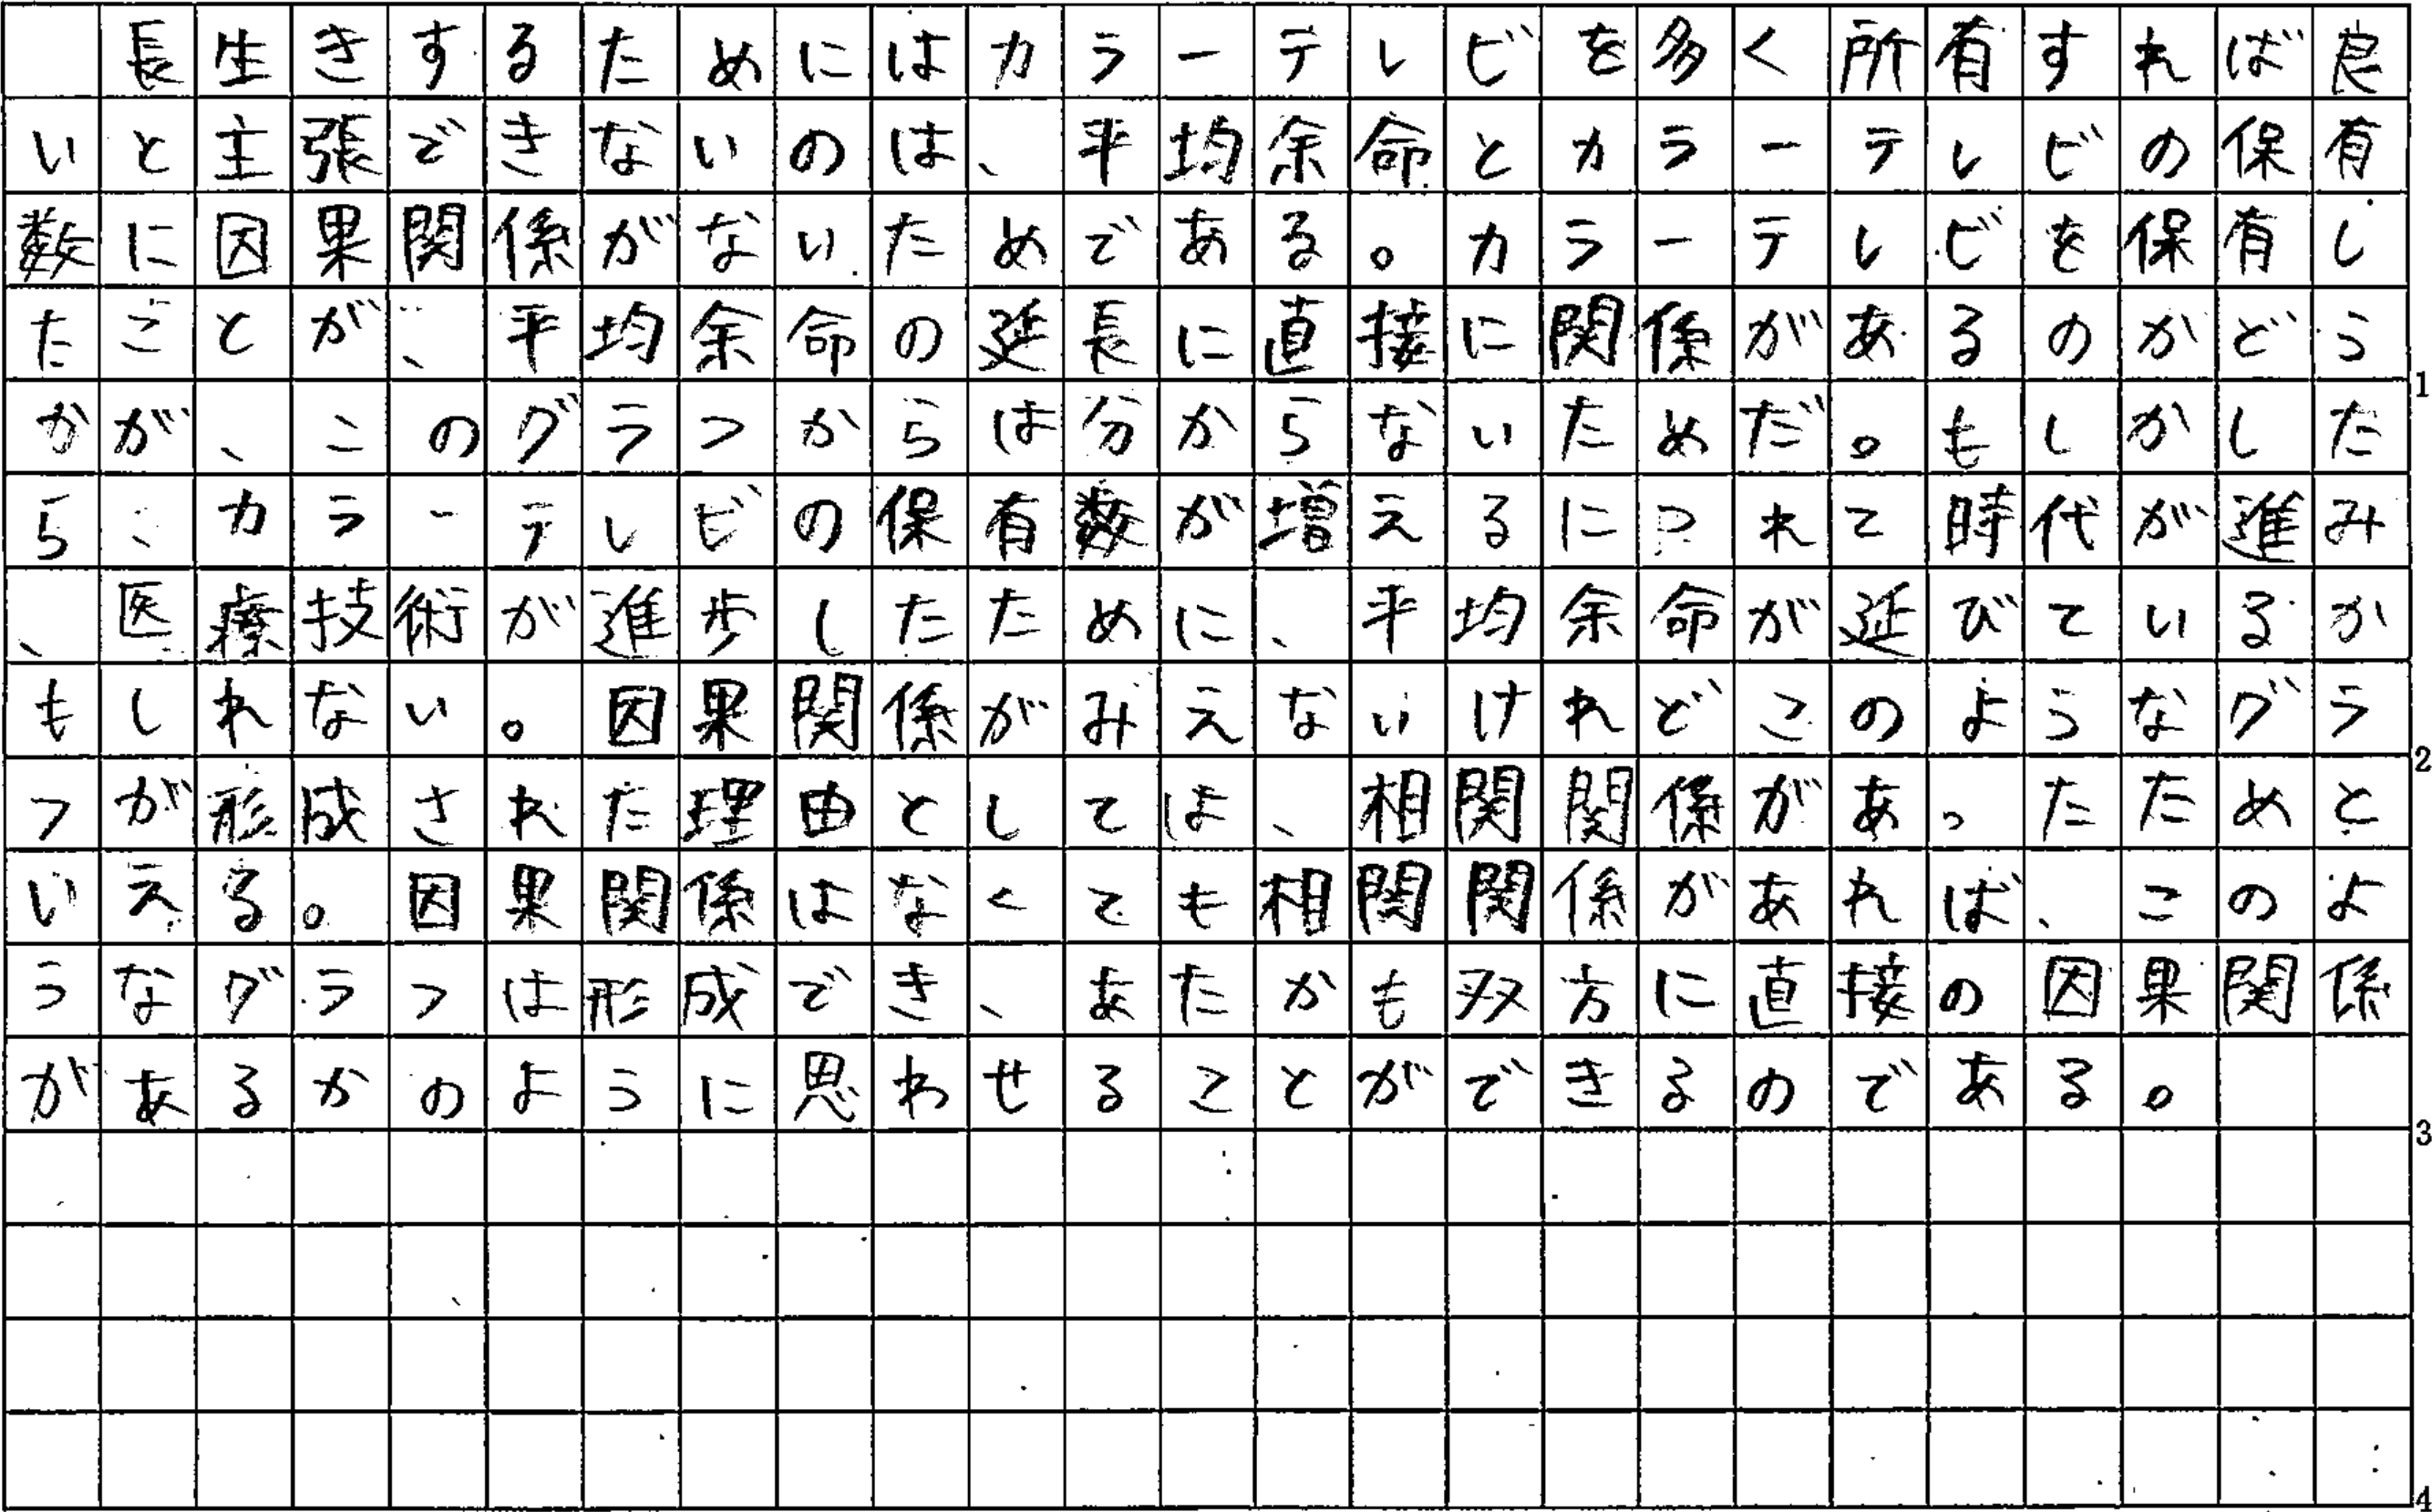　長生きするためにはカラーテレビを多く所有すれば良いと主張できないのは、平均余命とカラーテレビの保有数に因果関係がないためである。カラーテレビを保有したことが、平均余命の延長に直接に関係があるのかどうかが、このグラフからは分からないためだ。もしかしたら、カラーテレビの保有数が増えるにつれて時代が進み、医療技術が進歩したために、平均余命が延びているかもしれない。因果関係がみえないけれどこのようなグラフが形成された理由としては、相関関係があったためといえる。因果関係はなくても相関関係があれば、このようなグラフは形成でき、あたかも双方に直接の因果関係があるかのように思わせることができるのである。
